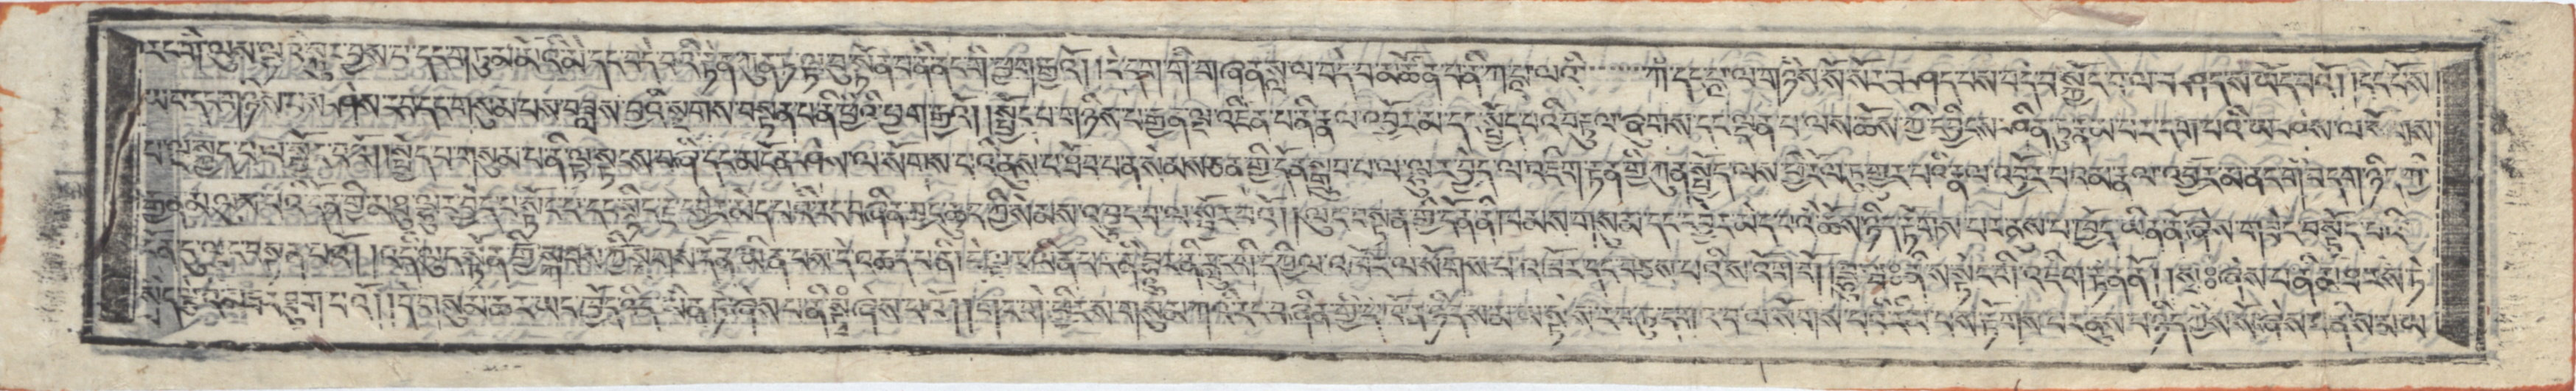རང་གི་ལུས་ལྷའི་སྐུར་བྱས་པ་དང་གཏུམ་མོའི་མེ་དང་བདེ་བའི་རྟེན་ཀུན་ཏ་ལྟ་བུ་སྟོན་པ་ནི་ནང་གི་ཕྱག་རྒྱའོ། །དེ་དག་གི་གཞན་སླ་ལ་བདེ་བ་མཚོན་པ་ནི་ཀ་པཱ་ལའི་ཀཾ་དང་པཱ་ལ་གཉིས་སོ་སོར་བཤད་པས་བདེ་བ་སྐྱོང་བ་ལ་བཤད་ས་ཡོད་པའོ། །དང་པོས་
ཡབ་དང་གཉིས་པས་ཤེས་རབ་དང་གསུམ་པས་བཟླས་བྱའི་སྔགས་བསྟན་པ་ནི་ཕྱིའི་ཕྱག་རྒྱའོ། །སྤྱོད་པ་གཉིས་པ་རྒྱན་ལྔ་འཛིན་པ་ནི་རྣལ་འབྱོར་མ་དང་སྤྱོད་པའི་བརྟུལ་ཞུགས་དང་ལྡན་པ་ལས་ཆོས་ཀྱི་དབྱིངས་ཤིན་ཏུ་རྣམ་པར་དག་པའི་ཡེ་ཤེས་ལ་སོགས་
པ་ལྔ་སྐྱེད་པ་ལ་སྦྱོར་བའོ། །སྤྱོད་པ་གསུམ་པ་ནི་ལྟ་སྟངས་བཞི་དང་མངོན་ཤེས་ལ་སོགས་པའི་ནུས་པ་ཐོབ་པ་ན་སེམས་ཅན་གྱི་དོན་སྒྲུབ་པ་ལ་ལྷུར་བྱེད་ལ་འཇིག་རྟེན་གྱི་ཀུན་སྤྱོད་ལས་ཕྱི་རོལ་ཏུ་གྱུར་པའི་རྣལ་འབྱོར་པའམ་རྣལ་འབྱོར་མ་ནང་གི་བདག་ཉིད་ཀྱི་
རྒྱན་མ་ལུས་པའི་དོན་གྱི་མཐུ་ལྷུར་བྱེད་པ་སྟོང་པ་དང་སྙིང་རྗེ་དབྱེར་མེད་པའི་རང་བཞིན་བྱང་ཆུབ་ཀྱི་སེམས་འབྱུང་བ་ལ་སྦྱོར་བའོ། །ལུང་བསྟན་གྱི་དོན་ནི་ཁམས་གསུམ་དང་དབྱེར་མེད་པའི་ཆོས་ཉིད་རྟོགས་པར་ནུས་པ་ཁྱོད་ཡིན་ནོ་ཞེས་གཟེང་བསྟོད་པའི་
དོན་དུ་ལྷུང་བསྟན་པའོ། །འདི་ལུང་སྟོན་གྱི་སྐབས་ཀྱི་སྔགས་དོན་ཡིན་པས་དེ་འཆད་པ་ནི། དེ་ལྟར་ཡིན་པར་ནི་བྷཱུར་ནི་རླུང་གི་དཀྱིལ་འཁོར་ལ་སོགས་པ་འཁོར་དང་བཅས་པའི་ས་འོག་གོ །བྷུ་ཝཿ ནི་ས་སྟེང་གི་འཇིག་རྟེན་ནོ། །སྭཿ ཞེས་པ་ནི་མཐོ་རིས་ཏེ་
སྲིད་རྩེའི་མཐར་ཐུག་པའོ། །དེ་གསུམ་ཆར་ཡང་ཁྱོད་ཉིད་ཡིན་ཏེ་ཞེས་པ་ནི་སཏཝཾ་ཞེས་པའོ། །གང་གི་ཕྱིར་ས་གསུམ་ཀའི་རང་བཞིན་གྱི་དེ་ཁོ་ན་ཉིད་ས་མ་ཡ་སྟེ་ས་རབ་ཏུ་དགའ་བ་ལ་སོགས་པའི་རིམ་པས་རྟོགས་པར་ནུས་པ་ཉིད་ཀྱིས་སོ་ཞེས་པ་ནི་ས་མ་ཡ་